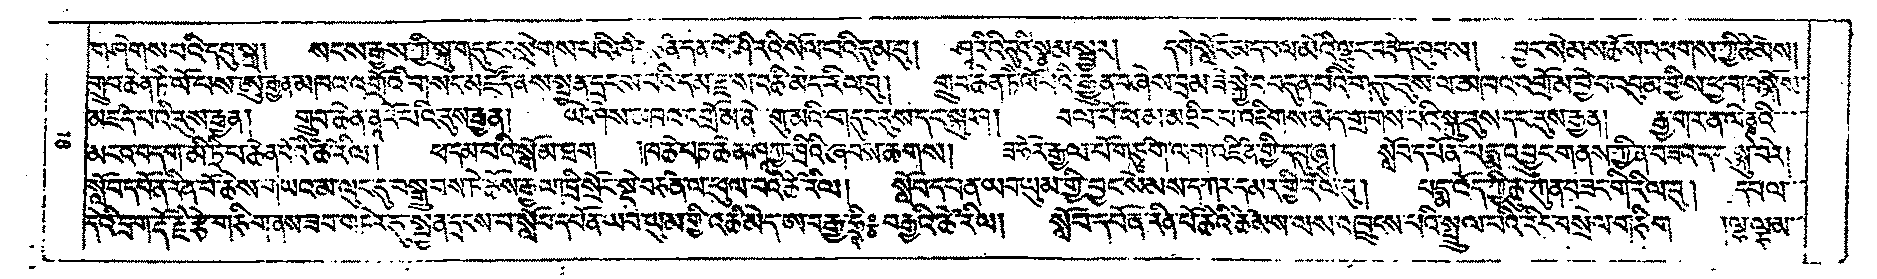གཤེགས་པའི་དབུ་སྐྲ། སངས་རྒྱས་ཀྱི་སྐུ་གདུང་བསྲེགས་པའི་ཤིང་ཙན་དན་གོ་ཤི་རའི་སོལ་བའི་དུམ་བུ། ཤཱ་རིའི་བུའི་སྣམ་སྦྱར། དགེ་སློང་མ་དཔལ་མོའི་ལྷུང་བཟེད་ཤུབས། བྱང་སེམས་ཆོས་འཕགས་ཀྱི་ཚེམས།
གྲུབ་ཆེན་ཏཻ་ལོ་པས་ཨུ་རྒྱན་མཁའ་འགྲོའི་གསང་མཛོད་ནས་སྤྱན་དྲངས་པའི་དམ་རྫས་འཆི་མེད་རིལ་བུ། གྲུབ་ཆེན་ཏཻ་ལོ་པའི་རྒྱུན་བཞེས་བྲམ་ཟེ་སྐྱེ་བ་བདུན་པའི་གདུང་རུས་ལ་མཁའ་འགྲོ་མ་བྱེ་བ་འབུམ་གྱིས་ཕྱག་བསྐོས་
མཛད་པའི་རུས་རྒྱན། གྲུབ་ཆེན་ནཱ་རོ་པའི་རུས་རྒྱན། ཡེ་ཤེས་མཁའ་འགྲོ་མ་ནེ་གུ་མའི་གདུང་རུས་དང་སྐུ་ཤ། བལ་པོ་ཕམ་མཐིང་པ་འཇིགས་མེད་གྲགས་པའི་སྐུ་རུས་དང་རུས་རྒྱན། རྒྱ་གར་ན་ལེནྚའི་
མངའ་བདག་མི་ཏྲི་པ་ཆེན་པོའི་ཚེ་རིལ། ཕ་དམ་པའི་སྒོམ་ཐག །ཁ་ཆེ་པཎ་ཆེན་ཤཱཀྱ་ཤྲིའི་ཞབས་ཆགས། ཟ་ཧོར་རྒྱལ་པོ་གཙུག་ལག་འཛིན་གྱི་དབུ་ཞྭ། སློབ་དཔོན་པདམ་འབྱུང་གནས་ཀྱི་ན་བཟའ་དང་སྐུ་བེར།
སློབ་དཔོན་རིན་པོ་ཆེས་གཡའ་མ་ལུང་དུ་བསྒྲུབས་ཏེ་ཆོས་རྒྱལ་ཁྲི་སྲོང་སྡེ་བཙན་ལ་ཕུལ་བའི་ཚེ་རིལ། སློབ་དཔོན་ཡབ་ཡུམ་གྱི་བྱང་སེམས་དཀར་དམར་གྱི་རིལ་བུ། པདམ་འོད་ཀྱི་ཆུ་ཀུན་བཟང་གི་རིལ་བུ། དཔལ་
དེའི་བྲག་རྡོ་རྗེ་རྩེ་གཅིག་ནས་ཟབ་གཏེར་དུ་སྤྱན་དྲངས་པ་སློང་དཔོན་ཡབ་ཡུམ་གྱི་འཆི་མེད་ཨ་བརྒྱ་ཧྲཱིཿ བརྒྱའི་ཚེ་རིལ། སློབ་དཔོན་རིན་པོ་ཆེའི་ཚེམས་ལས་འཁྲུངས་པའི་སྤྲུལ་པའི་རིང་བསྲེལ་གཅིག །ལྷ་ལྕམ་